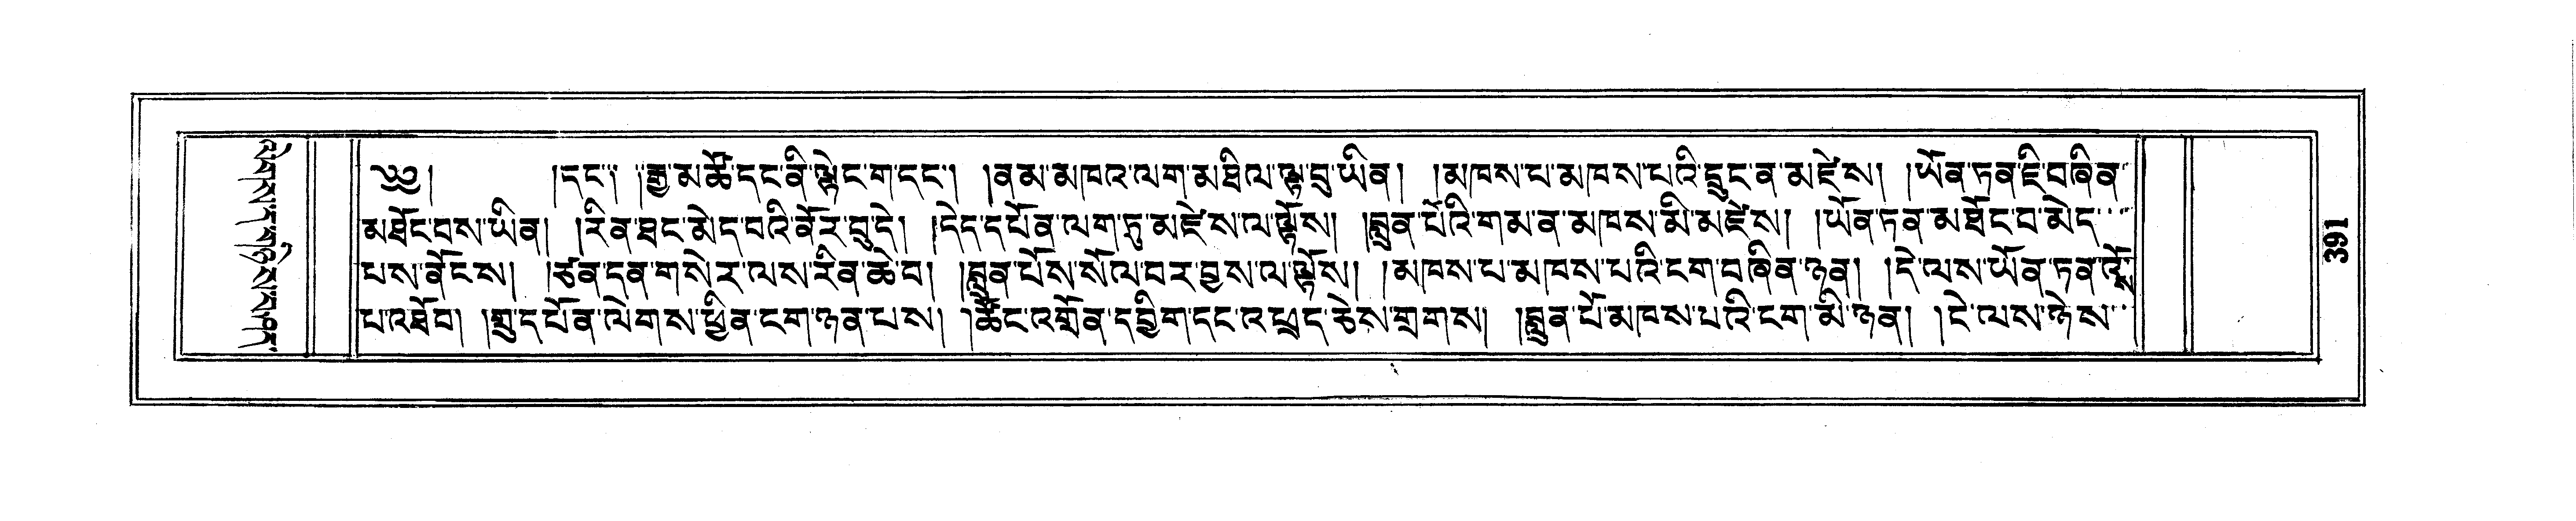༄༅། །དང༑ ༑རྒྱ་མཚོ་དང་ནི་ལྟེང་ག་དང་། །ནམ་མཁའ་ལག་མཐིལ་ལྟ་བུ་ཡིན། །མཁས་པ་མཁས་པའི་དྲུང་ན་མཛེས། །ཡོན་ཏན་ཇི་བཞིན་
མཐོང་བས་ཡིན། །རིན་ཐང་མེད་པའི་ནོར་བུ་དེ། །དེད་དཔོན་ལག་ཏུ་མཛེས་ལ་ལྟོས། །བླུན་པོའི་གམ་ན་མཁས་མི་མཛེས། །ཡོན་ཏན་མཐོང་བ་མེད་
པས་ནོངས། །ཙན་དན་གསེར་ལས་རིན་ཆེ་བ། །བླུན་པོས་སོལ་བར་བྱས་ལ་ལྟོས། །མཁས་པ་མཁས་པའི་ངག་བཞིན་ཉན། །དེ་ལས་ཡོན་ཏན་འོས་
པ་འཐོབ། །གྲུ་དཔོན་ལེགས་ཕྱིན་ངན་ཉན་པས། །ཚོང་འགྲོན་དབྱིག་དང་འཕྲད་ཅེས་གྲགས། །བླུན་པོ་མཁས་པའི་ངག་མི་ཉན། །ངེ་ལས་ཉེས་